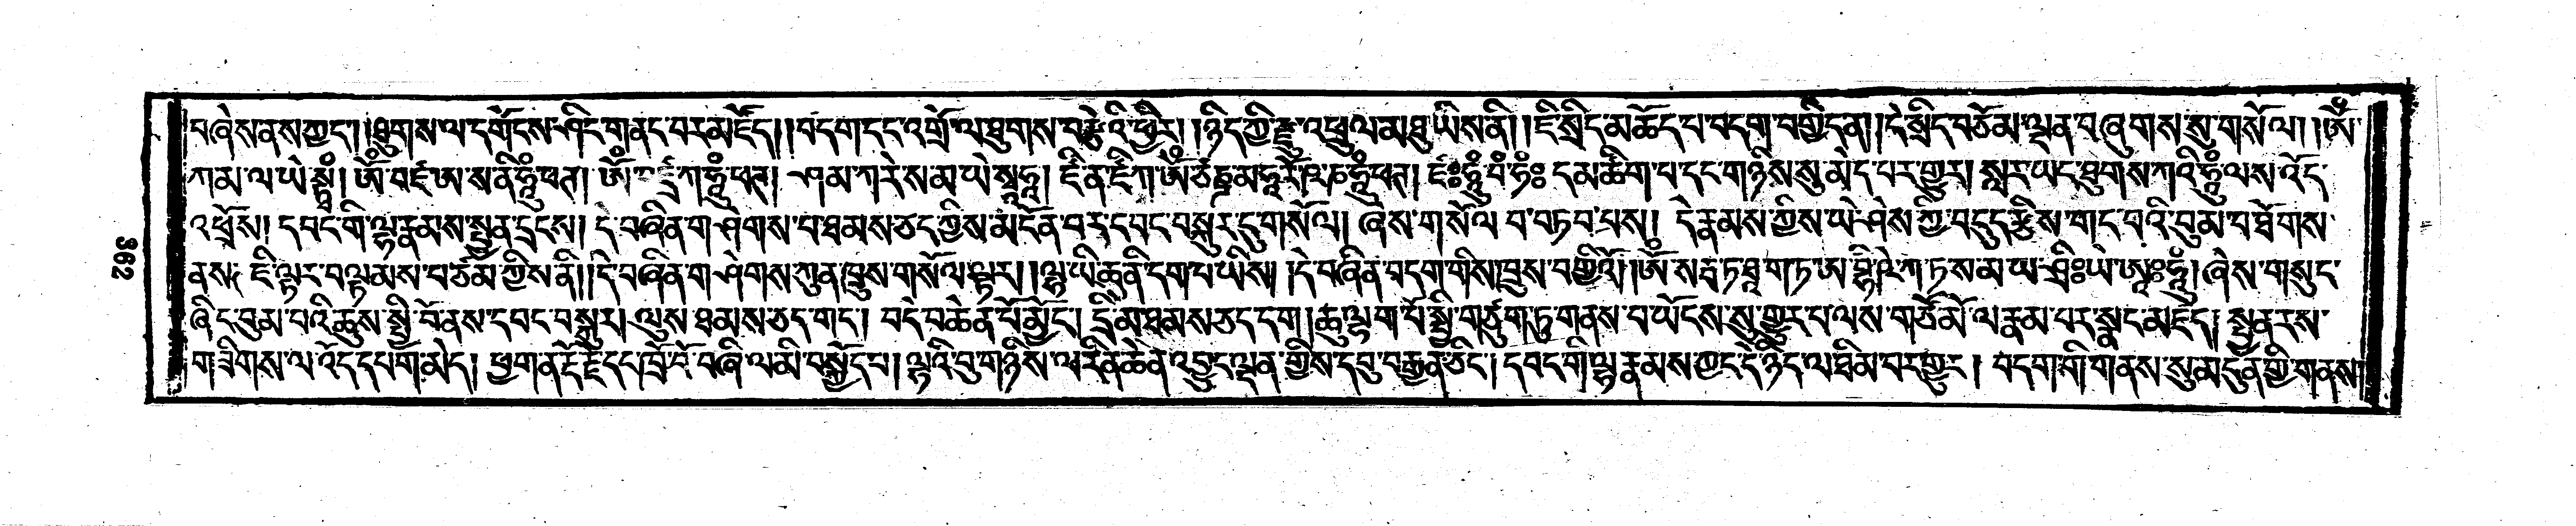བཞེས་ནས་ཀྱང་། །ཐུགས་ལ་དགོངས་ཤིང་གནང་བར་མཛོད། །བདག་དང་འགྲོ་ལ་ཐུགས་བརྩེའི་ཕྱིར། །ཉིད་ཀྱི་རྫུ་འཕྲུལ་མཐུ་ཡིས་ནི། །ཇི་སྲིད་མཆོད་པ་བདག་བགྱིད་ན། །དེ་སྲིད་བཅོམ་ལྡན་བཞུགས་སུ་གསོལ། །ཨོཾ་
ཀ་མ་ལ་ཡེ་སྟྭཾ། ཨོཾ་བཛྲ་ཨ་ས་ནི་ཧཱུཾ་ཕཊ། ཨོཾ་བཛྲ་ཀ་ཧཱུཾ་ཕཊ། ཤམ་ཀ་རེ་ས་མ་ཡེ་སྭཱཧཱ། ཛི་ན་ཛི་ཀ་ཨོཾ་ཙཎྜ་མཧཱ་རོ་ཥ་ཎ་ཧཱུཾ་ཕཊ། ཛཿ ཧཱུཾ་བཾ་ཧཾཿ དམ་ཚིག་པ་དང་གཉིས་སུ་མེད་པར་གྱུར། སླར་ཡང་ཐུགས་ཀའི་ཧཱུཾ་ལས་འོད་
འཕྲོས། དབང་གི་ལྷ་རྣམས་སྤྱན་དྲངས། དེ་བཞིན་གཤེགས་པ་ཐམས་ཅད་ཀྱིས་མངོན་པར་དབང་བསྐུར་དུ་གསོལ། ཞེས་གསོལ་བ་བཏབ་པས། དེ་རྣམས་ཀྱིས་ཡེ་ཤེས་ཀྱི་བདུད་རྩིས་གང་བའི་བུམ་པ་ཐོགས་
ནས། ཇི་ལྟར་བལྟམས་པ་ཙམ་གྱིས་ནི། །དེ་བཞིན་གཤེགས་ཀུན་ཁྲུས་གསོལ་ལྟར། །ལྷ་ཡི་ཆུ་ནི་དག་པ་ཡིས། །དེ་བཞིན་བདག་གིས་ཁྲུས་བགྱིའོ། །ཨོཾ་སརྦ་ཏ་ཐཱ་ག་ཏ་ཨ་བྷི་ཥེ་ཀ་ཏ་ས་མ་ཡ་ཤྲིཿ ཡེ་ཨཱཿ ཧཱུཾ། ཞེས་གསུང་
ཞིང་བུམ་པའི་ཆུས་སྤྱི་བོ་ནས་དབང་བསྐུར། ལུས་ཐམས་ཅད་གང་། བདེ་བ་ཆེན་པོ་མྱོང་། དྲི་མ་ཐམས་ཅད་དག །ཆུ་ལྷག་པ་སྤྱི་གཙུག་ཏུ་གནས་པ་ཡོངས་སུ་གྱུར་པ་ལས་གཙོ་མོ་ལ་རྣམ་པར་སྣང་མཛད། སྤྱན་རས་
གཟིགས་ལ་འོད་དཔག་མེད། ཕྱག་ན་རྡོ་རྗེ་དང་ཁྲོ་བོ་བཞི་ལ་མི་བསྐྱོད་པ། ལྷའི་བུ་གཉིས་ལ་རིན་ཆེན་འབྱུང་ལྡན་གྱིས་དབུ་བརྒྱན་ཅིང་། དབང་གི་ལྷ་རྣམས་ཀྱང་དེ་ཉིད་ལ་ཐིམ་པར་གྱུར། བདག་གི་གནས་སུ་མདུན་གྱི་གནས་